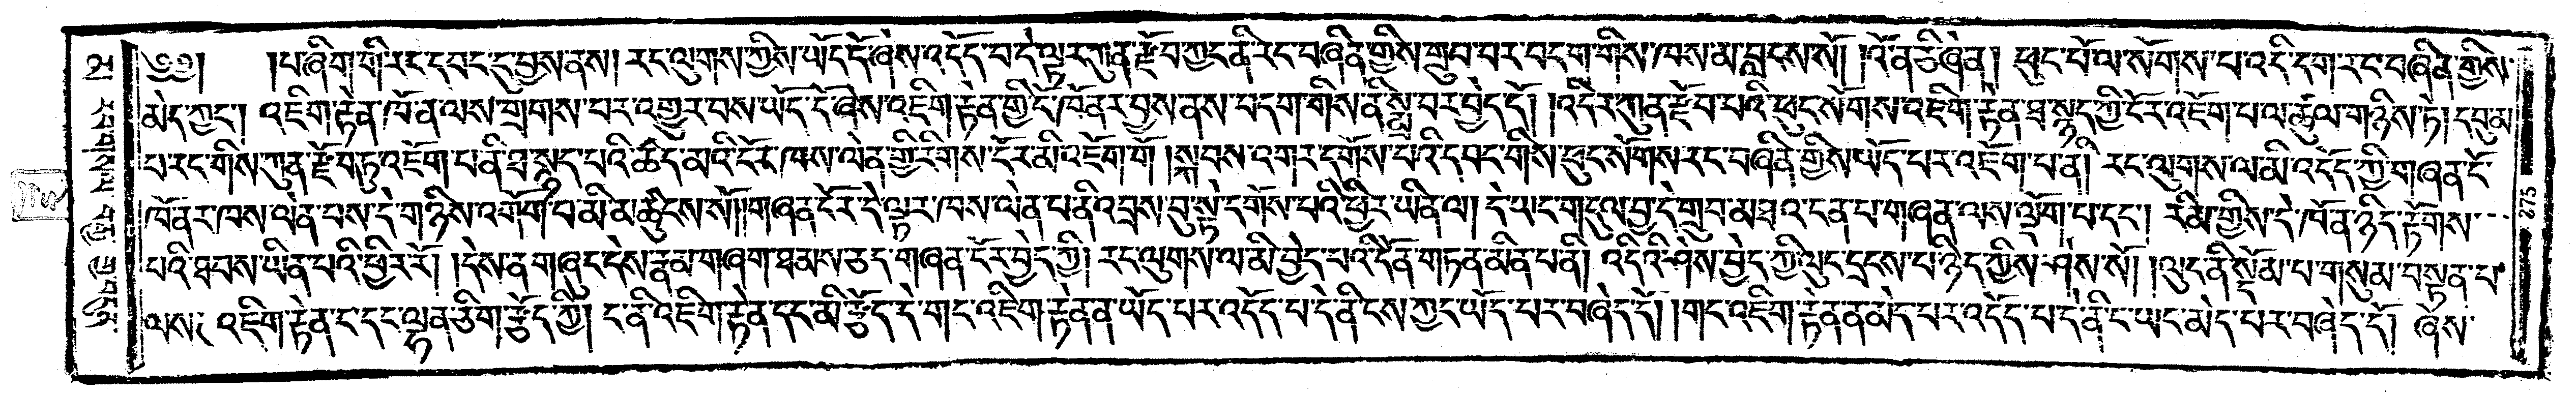༄༅། །པ་ཞིག་གི་རང་དབང་དུ་བྱས་ནས། རང་ལུགས་ཀྱིས་ཡོད་དོ་ཞེས་འདོད་པ་དེ་ལྟར་ཀུན་རྫོབ་ཀྱང་ནི་རང་བཞིན་གྱིས་གྲུབ་པར་བདག་གིས་ཁས་མ་བླངས་སོ། །འོ་ན་ཅི་ཞེ་ན། ཕུང་པོ་ལ་སོགས་པ་འདི་དག་རང་བཞིན་གྱིས་
མེད་ཀྱང་། འཇིག་རྟེན་ཁོ་ན་ལས་གྲགས་པར་འགྱུར་བས་ཡོད་དོ་ཞེས་འཇིག་རྟེན་གྱི་ངོ་ཁོ་ནར་བྱས་ནས་བདག་གིས་ནི་སྨྲ་བར་བྱེད་དོ། །འདིར་ཀུན་རྫོབ་པའི་ཕུང་སོགས་འཇིག་རྟེན་ཐ་སྙད་ཀྱི་ངོར་འཇོག་པ་ལ་ཚུལ་གཉིས་ཏེ། དབུ་མ་
པ་རང་གིས་ཀུན་རྫོབ་ཏུ་འཇོག་པ་ནི་ཐ་སྙད་པའི་ཚད་མའི་ངོར་ཁས་ལེན་གྱི་རིགས་ངོར་མི་འཇོག་གོ །སྐབས་འགར་དགོས་པའི་དབང་གིས་ཕུང་སོགས་རང་བཞིན་གྱིས་ཡོད་པར་འཇོག་པ་ནི། རང་ལུགས་ལ་མི་འདོད་ཀྱི་གཞན་ངོ་
ཁོ་ནར་ཁས་ལེན་པས་དེ་གཉིས་འགོག་པ་མི་མཚུངས་སོ། །གཞན་ངོར་དེ་ལྟར་ཁས་ལེན་པ་ནི་འབྲས་བུ་སྟེ་དགོས་པའི་ཕྱིར་ཡིན་ལ། དེ་ཡང་གདུལ་བྱ་དེ་གྲུབ་མཐའ་ངན་པ་གཞན་ལས་ལྡོག་པ་དང་། རིམ་གྱིས་དེ་ཁོ་ན་ཉིད་རྟོགས་
པའི་ཐབས་ཡིན་པའི་ཕྱིར་རོ། །དེས་ན་གཞུང་དེས་རྣམ་གཞག་ཐམས་ཅད་གཞན་ངོར་བྱེད་ཀྱི། རང་ལུགས་ལ་མི་བྱེད་པའི་དོན་གཏན་མིན་པ་ནི། འདིའི་ཤེས་བྱེད་ཀྱི་ལུང་དྲངས་པ་ཉིད་ཀྱིས་ཤེས་སོ། །ལུང་ནི་སྡོམ་པ་གསུམ་བསྟན་པ་
ལས༑ འཇིག་རྟེན་ང་དང་ལྷན་ཅིག་རྩོད་ཀྱི། ང་ནི་འཇིག་རྟེན་དང་མི་རྩོད་དེ། གང་འཇིག་རྟེན་ན་ཡོད་པར་འདོད་པ་དེ་ནི་ངས་ཀྱང་ཡོད་པར་བཞེད་དོ། །གང་འཇིག་རྟེན་ན་མེད་པར་འདོད་པ་དེ་ནི་ང་ཡང་མེད་པར་བཞེད་དོ། ཞེས་